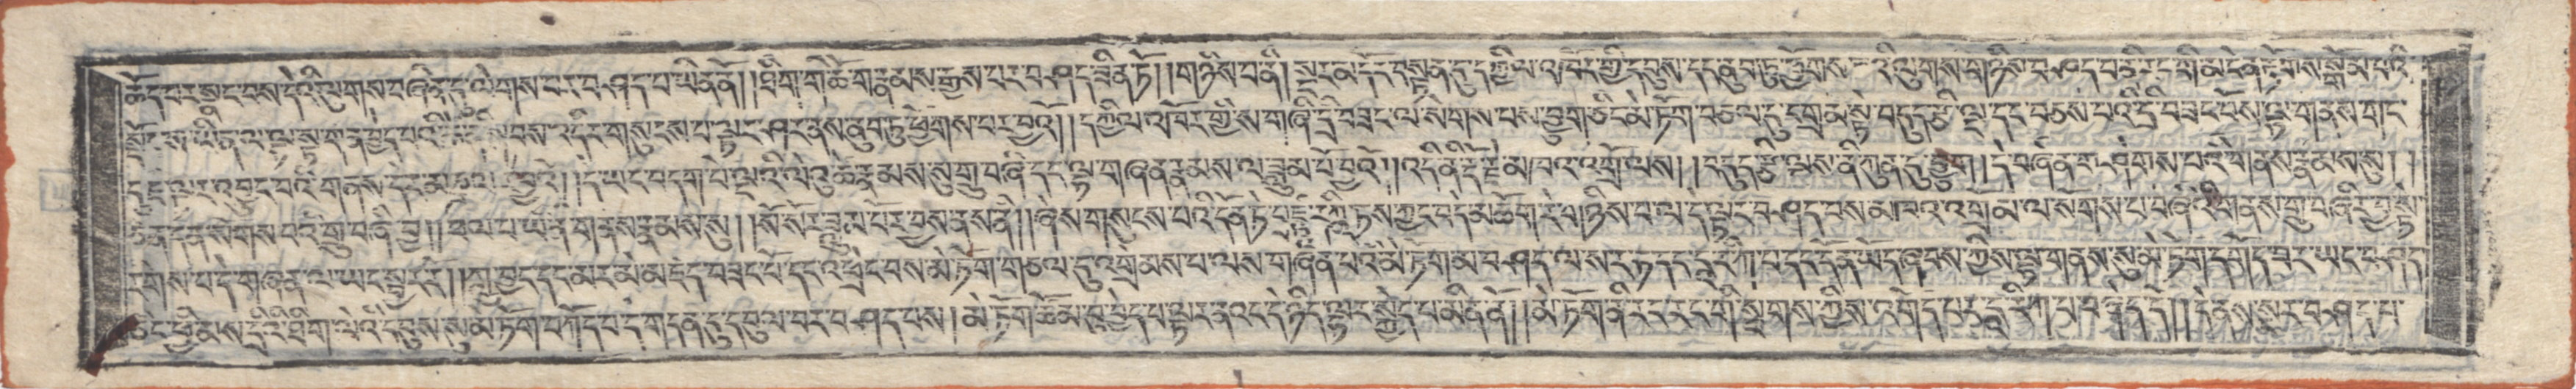ཆོད་པར་སྣང་བས་དེའི་ལུགས་བཞིན་དུ་ལེགས་པར་བཤད་པ་ཡིན་ནོ། །ཐིག་གི་ཆོ་ག་རྣམས་རྒྱས་པར་བཤད་ཟིན་ཏོ། །གཉིས་པ་ནི། སྔར་མདོར་བསྟན་དུ་དཀྱིལ་འཁོར་གྱི་དབུས་དང་ནུབ་ཏུ་ཕྱོགས་པའི་ལུགས་གཉིས་བཤད་པ་ནི་རང་གི་མངོན་རྟོགས་སྒོམ་པའི་
སྡོད་ས་ཡིན་ལ་ལྷ་སྟ་གན་བྱེད་པའི་ཚེ་ནི་སྐབས་འདིར་གསུངས་པ་ལྟར་ཤར་ནས་ནུབ་ཏུ་ཕྱོགས་པར་བྱའོ། །དཀྱིལ་འཁོར་གྱི་ས་གཞི་དྲི་བཟང་ལ་སོགས་པས་བྱུག་ཅིང་མེ་ཏོག་བཅལ་དུ་དགྲམ་སྟེ་བདུད་རྩི་ལྔ་དང་བཅས་པའི་དྲི་བཟང་པོས་ལྷ་གནས་གང་
དུ་ཇི་ལྟར་འབྱུང་བའི་གནས་དེར་མཎྜལ་རེ་བྱའོ། །དེ་ཡང་བདག་པོ་ལྔའི་ལེའུ་ཚེ་རྣམས་སུ་གྲུ་བཞི་དང་ལྷ་གཞན་རྣམས་ལ་ཟླུམ་པོ་བྱའོ། །འདི་ནི་རྡོ་རྗེ་མཁའ་འགྲོ་ལས། །བདུད་རྩི་ལྔས་ནི་ཀུན་དུ་བྱུག །དེ་བཞིན་གཤེགས་པའི་གནས་རྣམས་སུ། །
ཙན་དན་སོགས་པའི་གྲུ་བཞི་བྱ། །ཕལ་པ་ཡི་ན་གནས་རྣམས་སུ། །སོ་སོར་ཟླུམ་པོར་བྱས་ནས་ནི། །ཞེས་གསུངས་པའི་དོན་ཏེ་པྲཛྟཱ་རཀྵི་ཏས་ཀྱང་བདེ་མཆོག་རེ་གཉིས་པ་ལ་དེ་ལྟར་བཤད་པས་མཁའ་འགྲོ་མ་ལ་སོགས་པ་བཞིའི་གནས་གྲུ་བཞིར་བྱ་སྟེ་
རིགས་པ་དེ་གཞན་ལ་ཡང་སྦྱར་རོ། །ཀླུ་བྱང་དང་མར་མེ་མཛད་བཟང་པོ་དང་འཕྲེང་བས་མེ་ཏོག་གཅལ་དུ་འགྲེམས་པ་ལས་གཞན་པའི་མེ་ཏོག་མ་བཤད་ལ་ས་ར་ཧ་དང་དཱ་རི་ཀ་བ་དང་དོན་ཡོད་ཞབས་ཀྱིས་ལྷ་གནས་སུ་མེ་ཏོག་དགོད་པར་ཡང་བཤད་
ཅིང་ཕྱི་མས་དྲིའི་ཐིག་ལེའི་དབུས་སུ་མེ་ཏོག་བཀོད་པ་དེ་གདན་དུ་དབུལ་བར་བཤད་པས། མེ་ཏོག་ཚོམ་བུ་བྱེད་པ་ལྟར་ནའང་དེ་ཉིད་ལྷར་སྐྱེད་པ་མིན་ནོ། །མེ་ཏོག་ནི་རང་རང་གི་སྔགས་ཀྱིས་འགོད་པར་དཱ་རི་ཀ་པ་བཞེད་དོ། །དེ་ནས་སྔར་བཤད་པ་